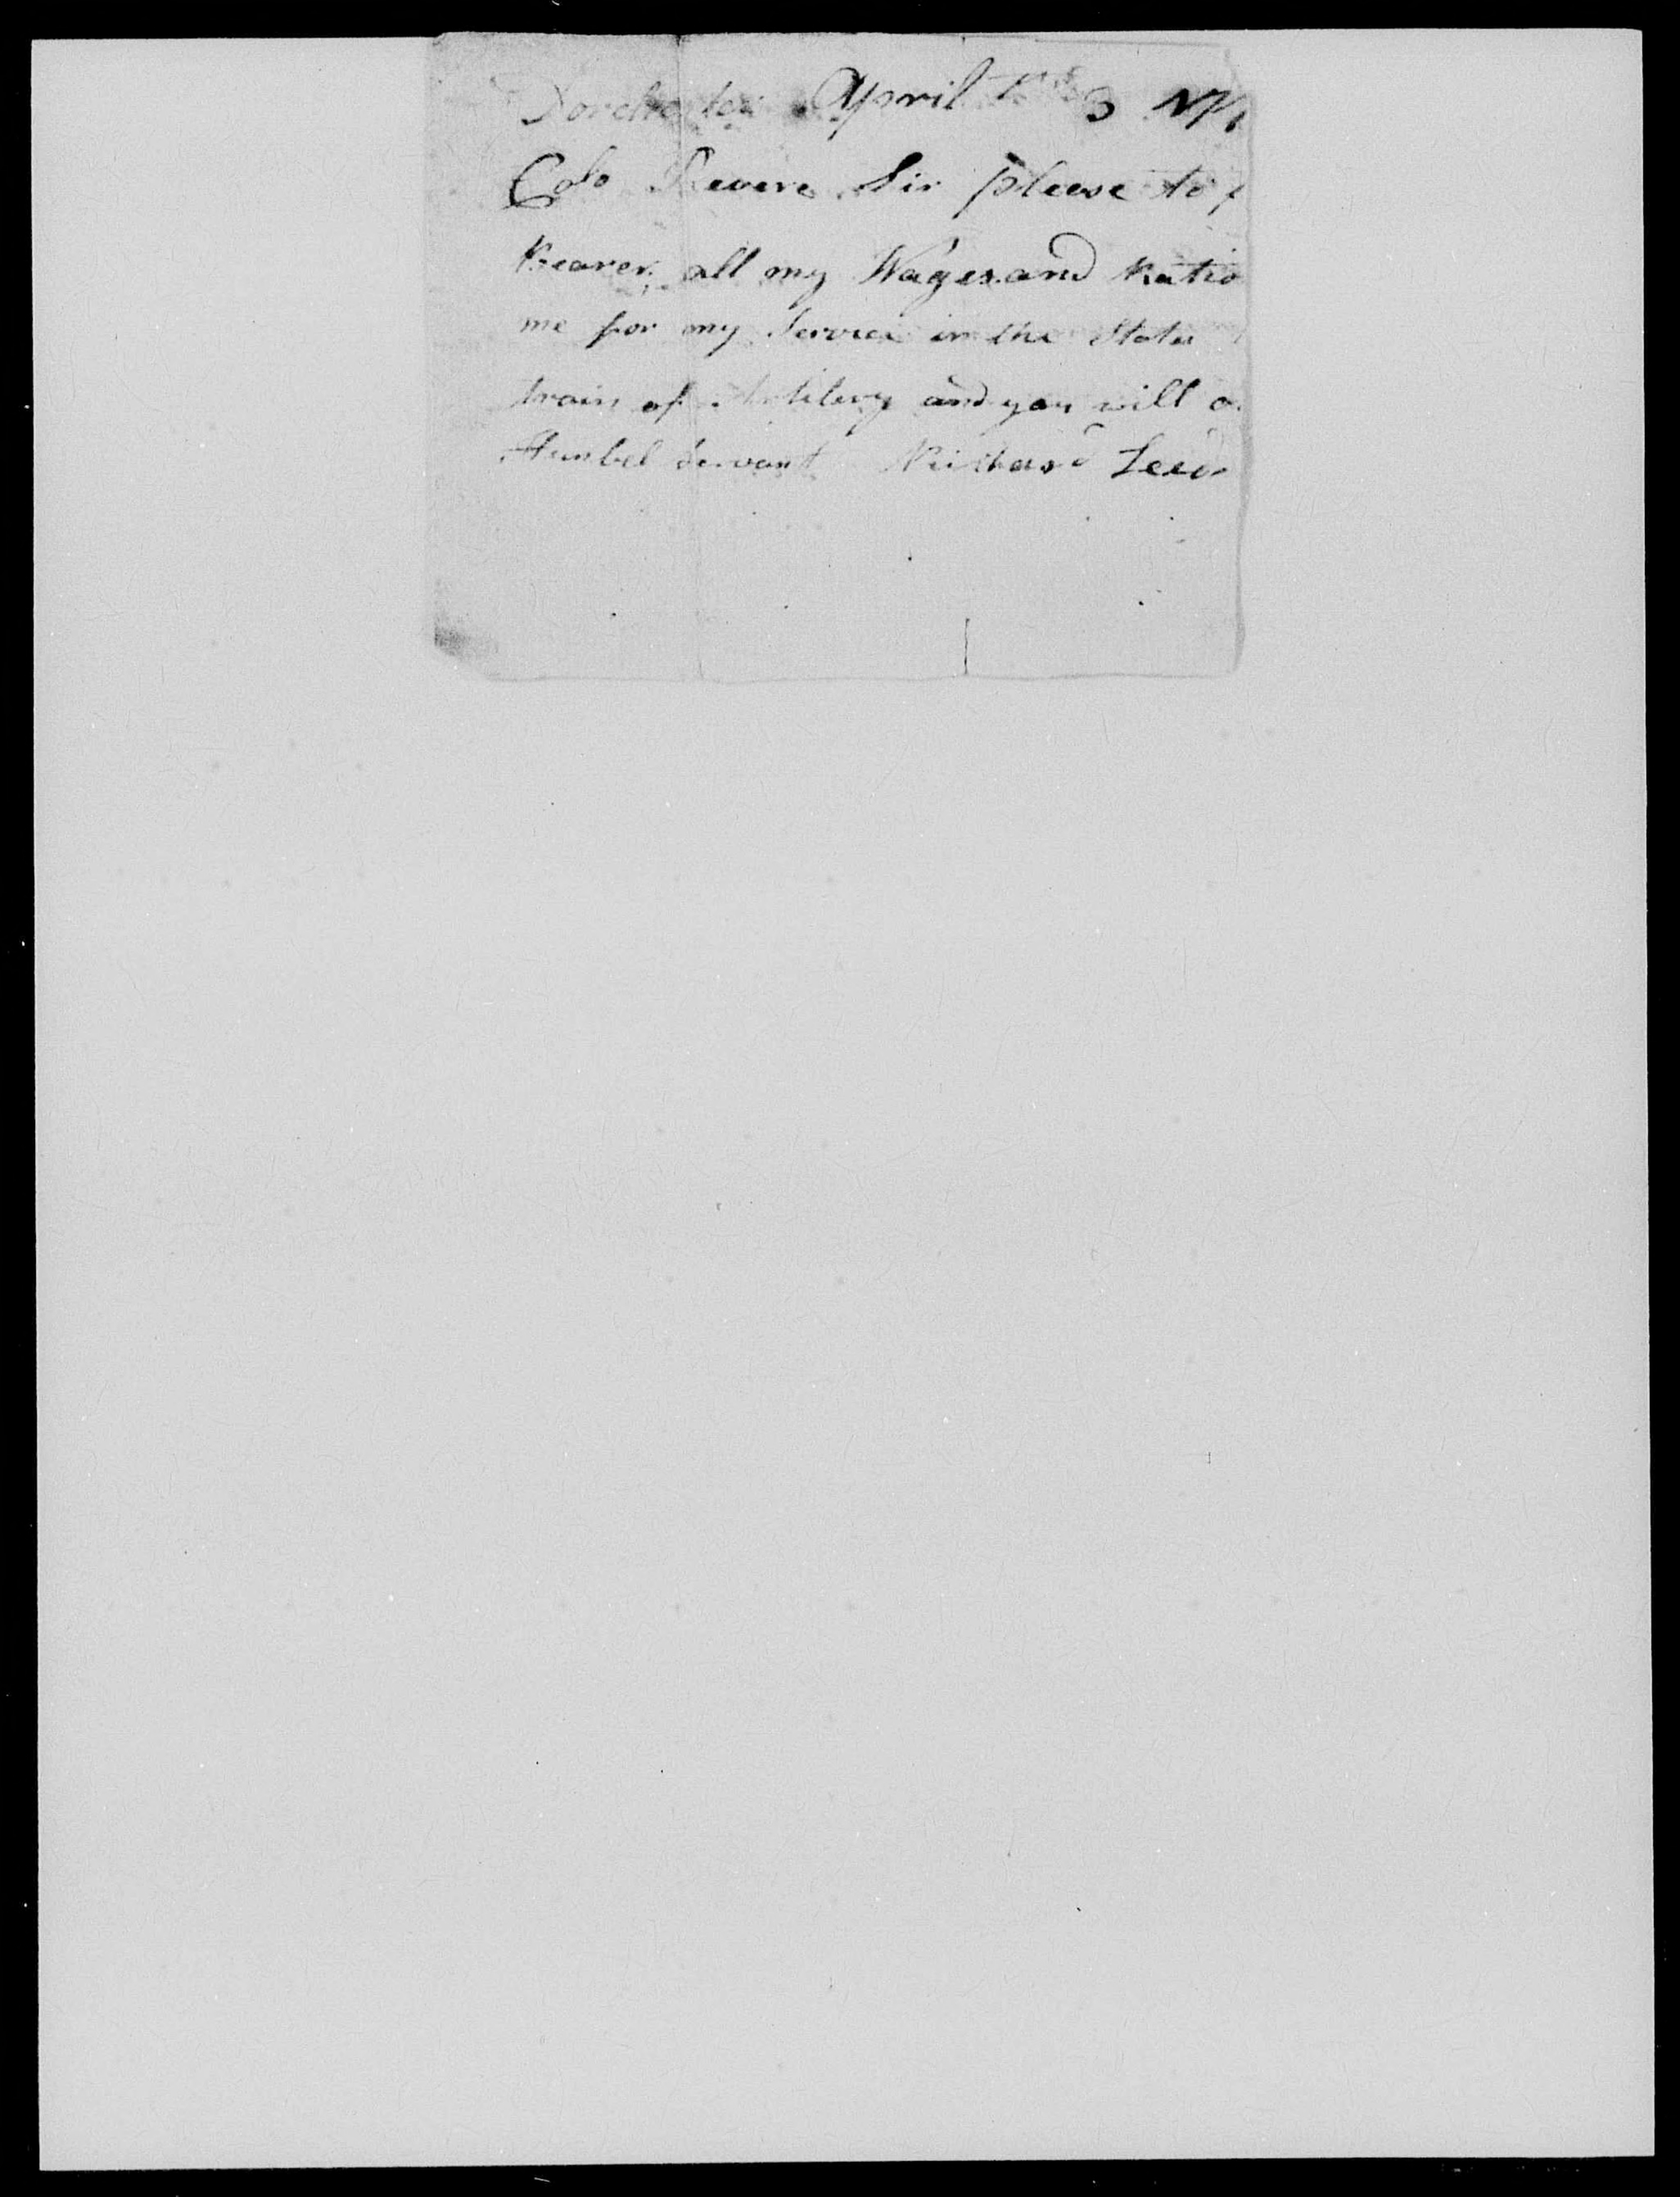Dorchester April [illegible]
Colo Revere Sir please to [illegible]
Berer all my wages and rations due 
me for my service in the States [illegible]
train of Artilery and you will a[illegible]
Humble Servant Richard Leeds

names: Richard Leeds; [BLANK] Revere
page: 14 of 33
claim: widow's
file: W. 21,567, for Nathan Leeds, Massachusetts